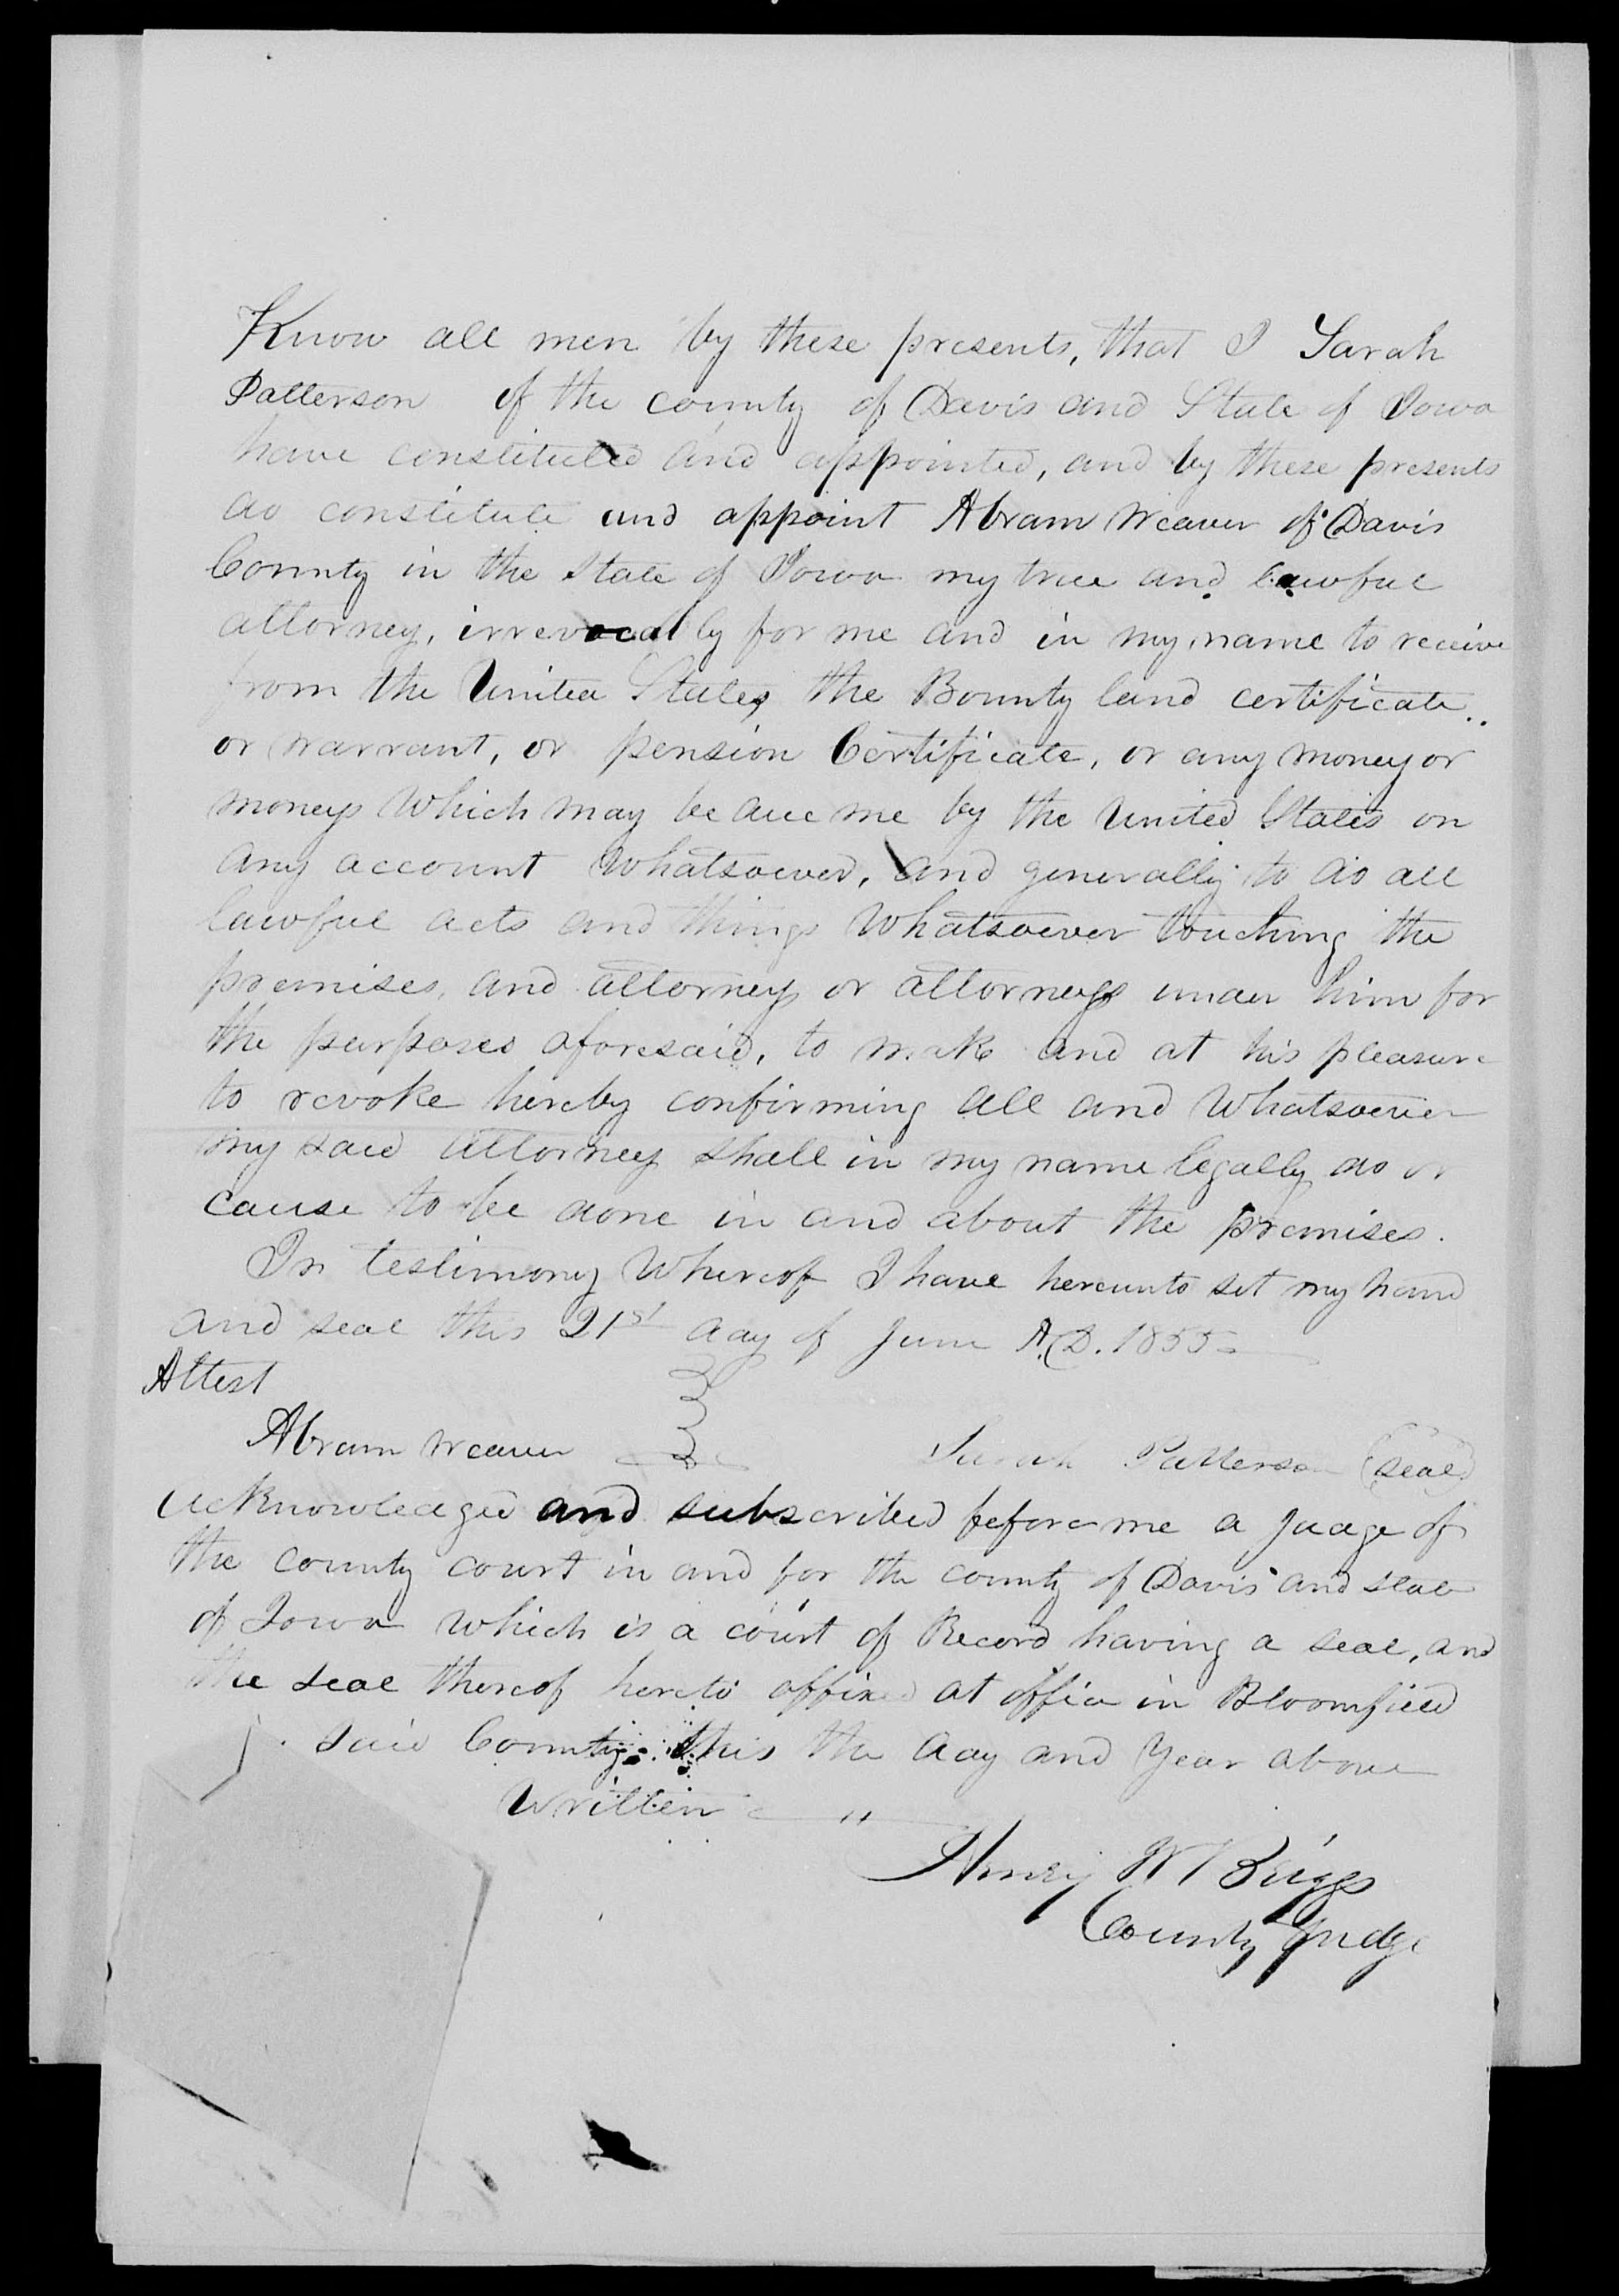Know all men by these presents, that I Sarah Patterson of the County of Davis and State of Iowa have constituted and appointed, and by these presents do constitute and appoint Abram Weaver of Davis County in the State of Iowa my true and lawful attorney, irrevocably for me and in my name to receive from the United States the Bounty land certificate or warrant, or pension certificate, or any money or moneys which may be due me by the United States on any account whatsoever, and generally to do all lawful acts and things whatsoever touching the premises, and attorney or attorneys under him for the purposes aforesaid, to make and at his pleasure to revoke hereby confirming all and whatsoever my said Attorney shall in my name legally do or cause to be done in and about the premises .
In testimony whereof I have hereunto set my hand and seal this 21st day of June A.D. 1855.
Attest                 }
Abram Weaver }               Sarah Patterson [seal]
acknowledged and subscribed before me a Judge of the County Court in and for the County of Davis and state of Iowa which is a Court of Record having a Seal, and the seal thereof hereto affixed at office in Bloomfield said County this the day and year above written.
Henry W Biggs 
County Judge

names: Abram Weaver; Henry W Briggs; Sarah Patterson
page: 12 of 69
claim: widow's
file: W. 10861, for James Patterson, North Carolina